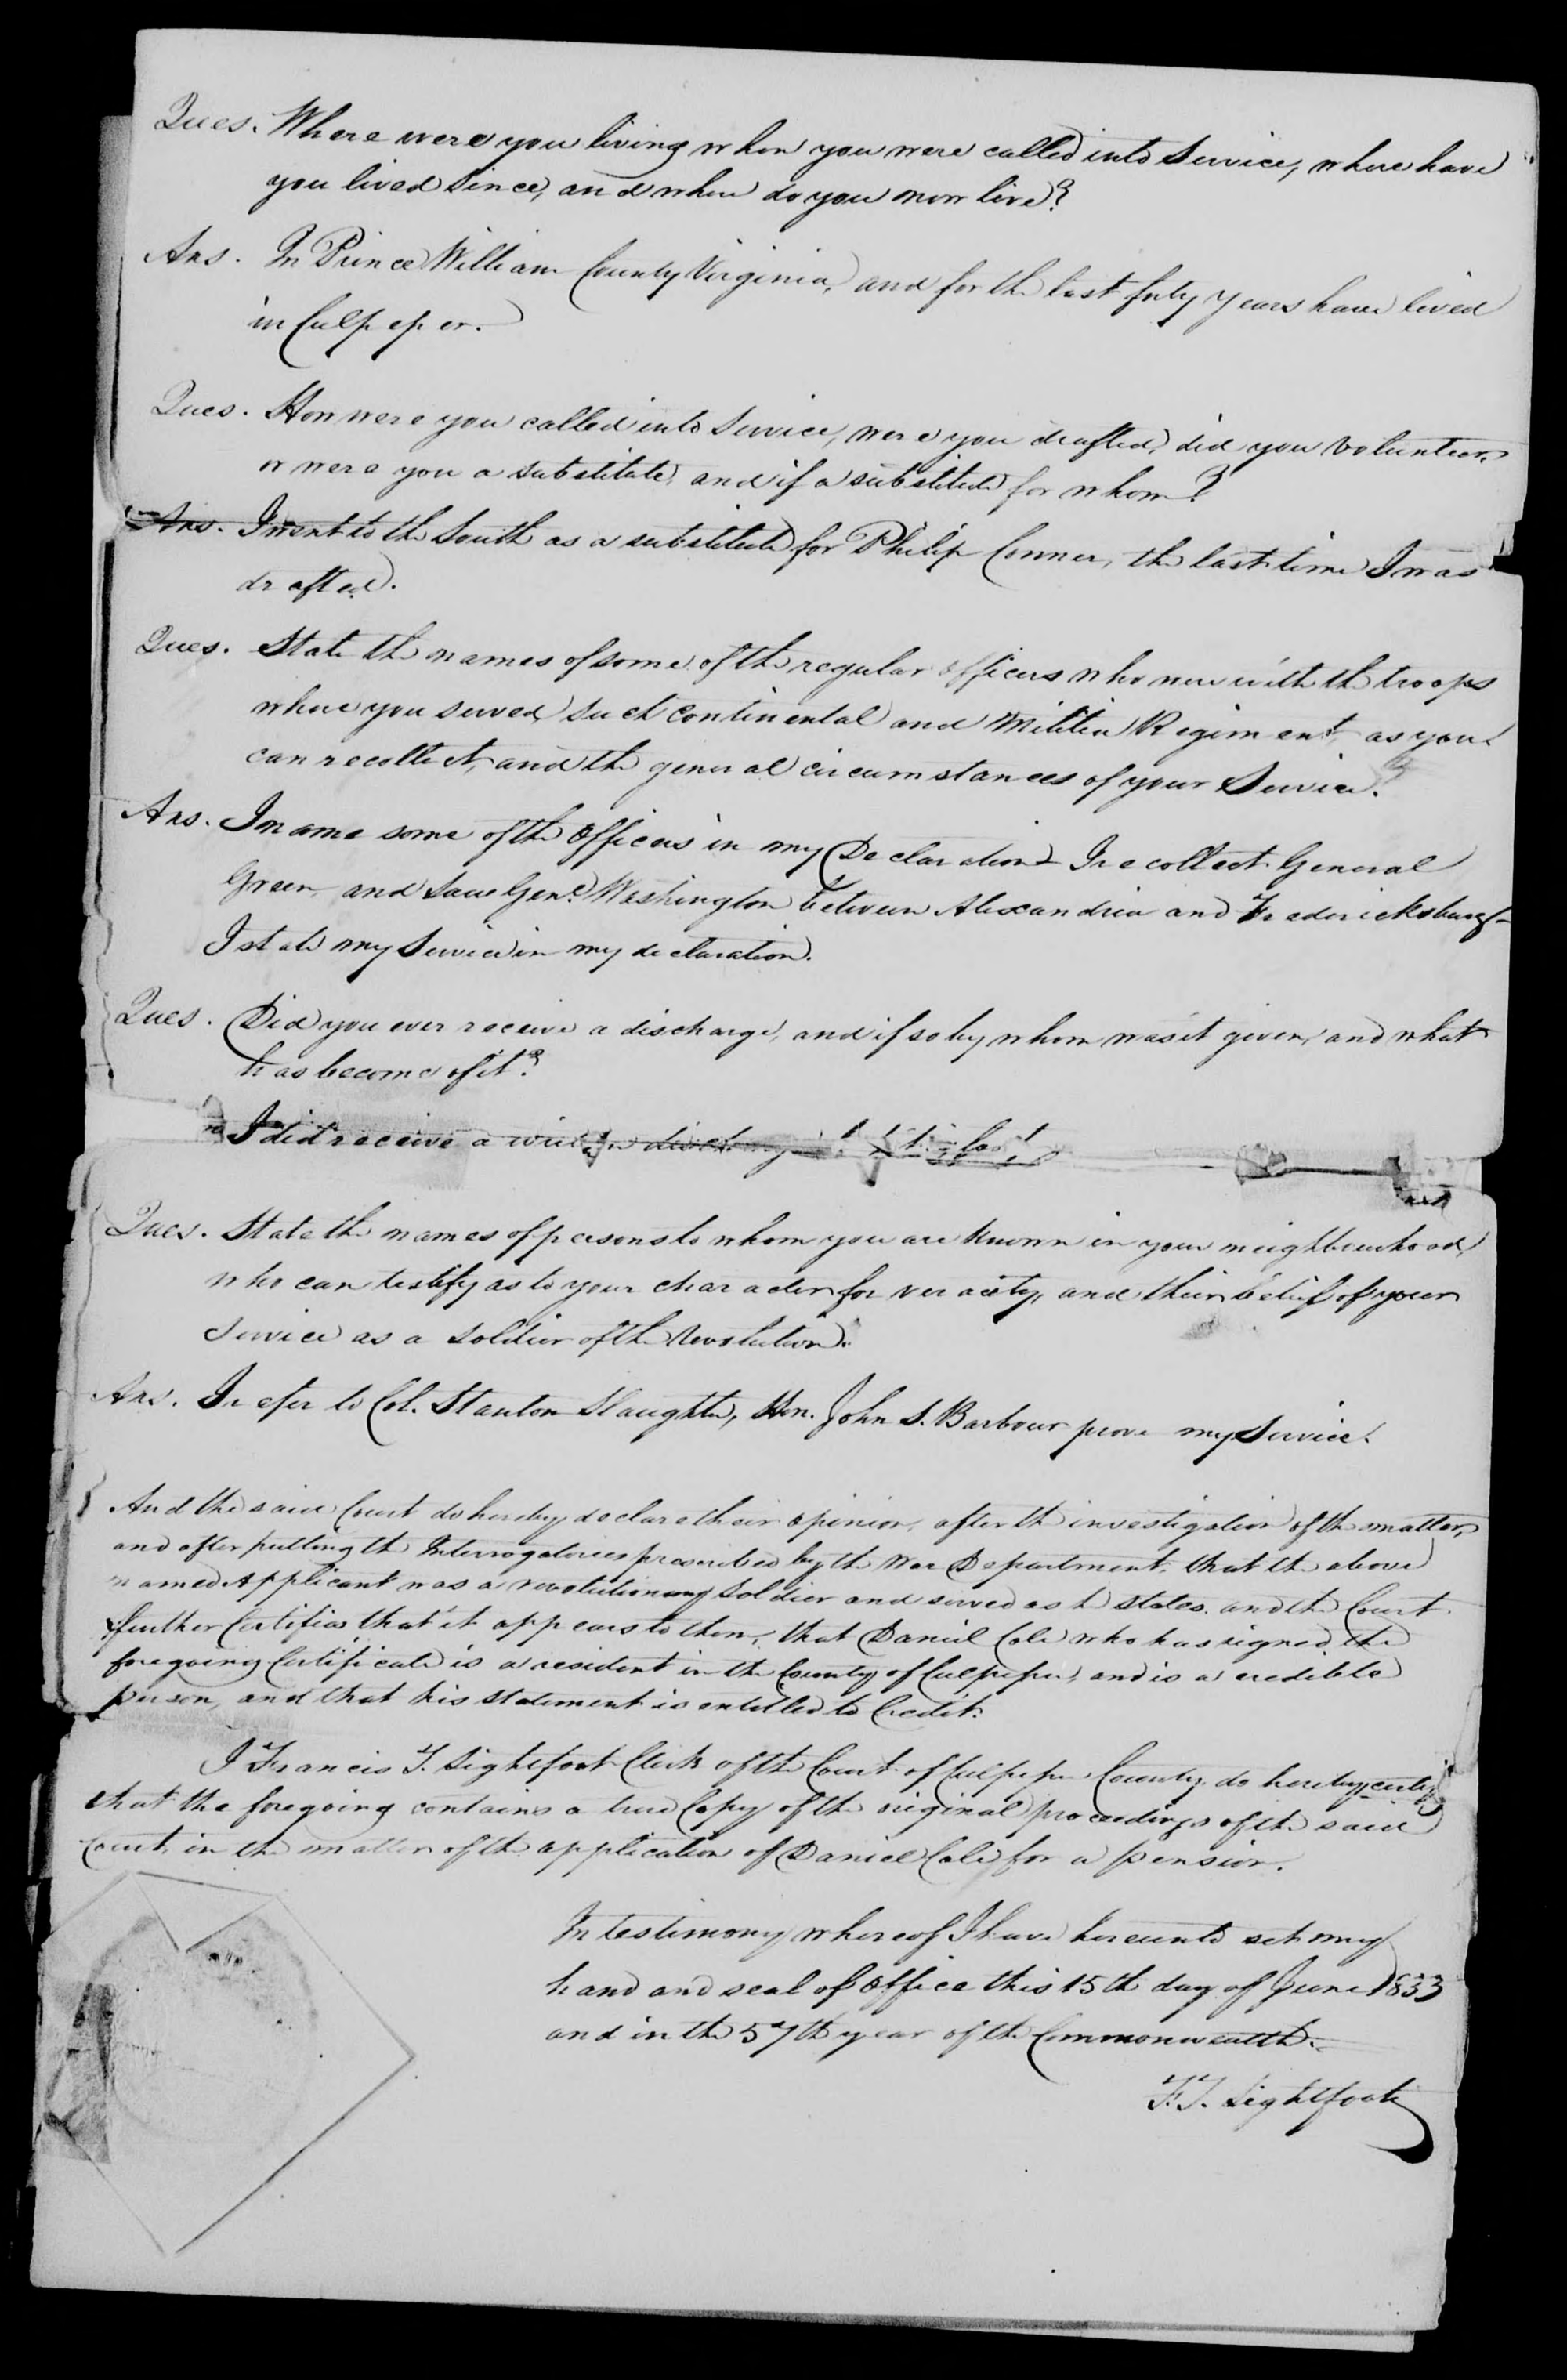Ques. Where were you living when you were called into Service, where have you lived since, and where do you now live?
Ans. In Prince William County Virginia, and for the last forty years have lived in Culpeper.

Ques. How were you called into Service, were you drafted, did you volunteer or were you a substitute, and if a substitute for whom?
Ans. I went to the South as a substitute for Philip Conner, the last time I was drafted.

Ques. State the names of some of the regular officers who were with the troops where you served, such Continental and Militia Regiment as you can recollect, and the general circumstances of your Service?
Ans. I name some of the officers in my Declaration. I recollect General Green, and saw Genl. Washington between Alexandria and Fredericksburg. I state my service in my declaration.

Ques. Did you ever receive a discharge, and if so by whom was it given, and what has become of it?
[illegible] I did receive a written discharge  [illegible]

Ques. State the names of the persons to whom you are known in your neighbourhood [sic] who can testify as to your character for veracity, and their belief of your Service as a Soldier of the Revolution?
Ans. I refer to Col. Stanton Slaughter, Hon. John S. Barbour prove my Service. 

And the said Court do hereby declare their opinion, after the investigation of the matter, and after putting the interrogatories prescribed by the War Department, that the above named applicant was a revolutionary Soldier and served as he states, and the Court further Certifies that it appears to them, that Daniel Cole who has signed the foregoing Certificate is a resident in the County of Culpeper, and is a credible person, and that his statement is [illegible] to Credit. 

I Francis T. Lightfoot Clerk of the Court of Culpeper County do hereby certify that the foregoing contains a true Copy of the original proceedings of the said Court, in the matter of the application of Daniel Cole for a pension.  

In testimony whereof I have [illegible] my hand and seal of office this 15th day of June 1833 and in the 57th year of the Commonwealth.

F. T. Lightfoot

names: Green, Daniel Cole, Francis T Lightfoot, John S Barbour, Stanton Slaughter, Daniel Cole, Philip Conner, Washington, F T Lightfoot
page: 6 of 61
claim: survivor's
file: S. 8236, Daniel Cole, Va.